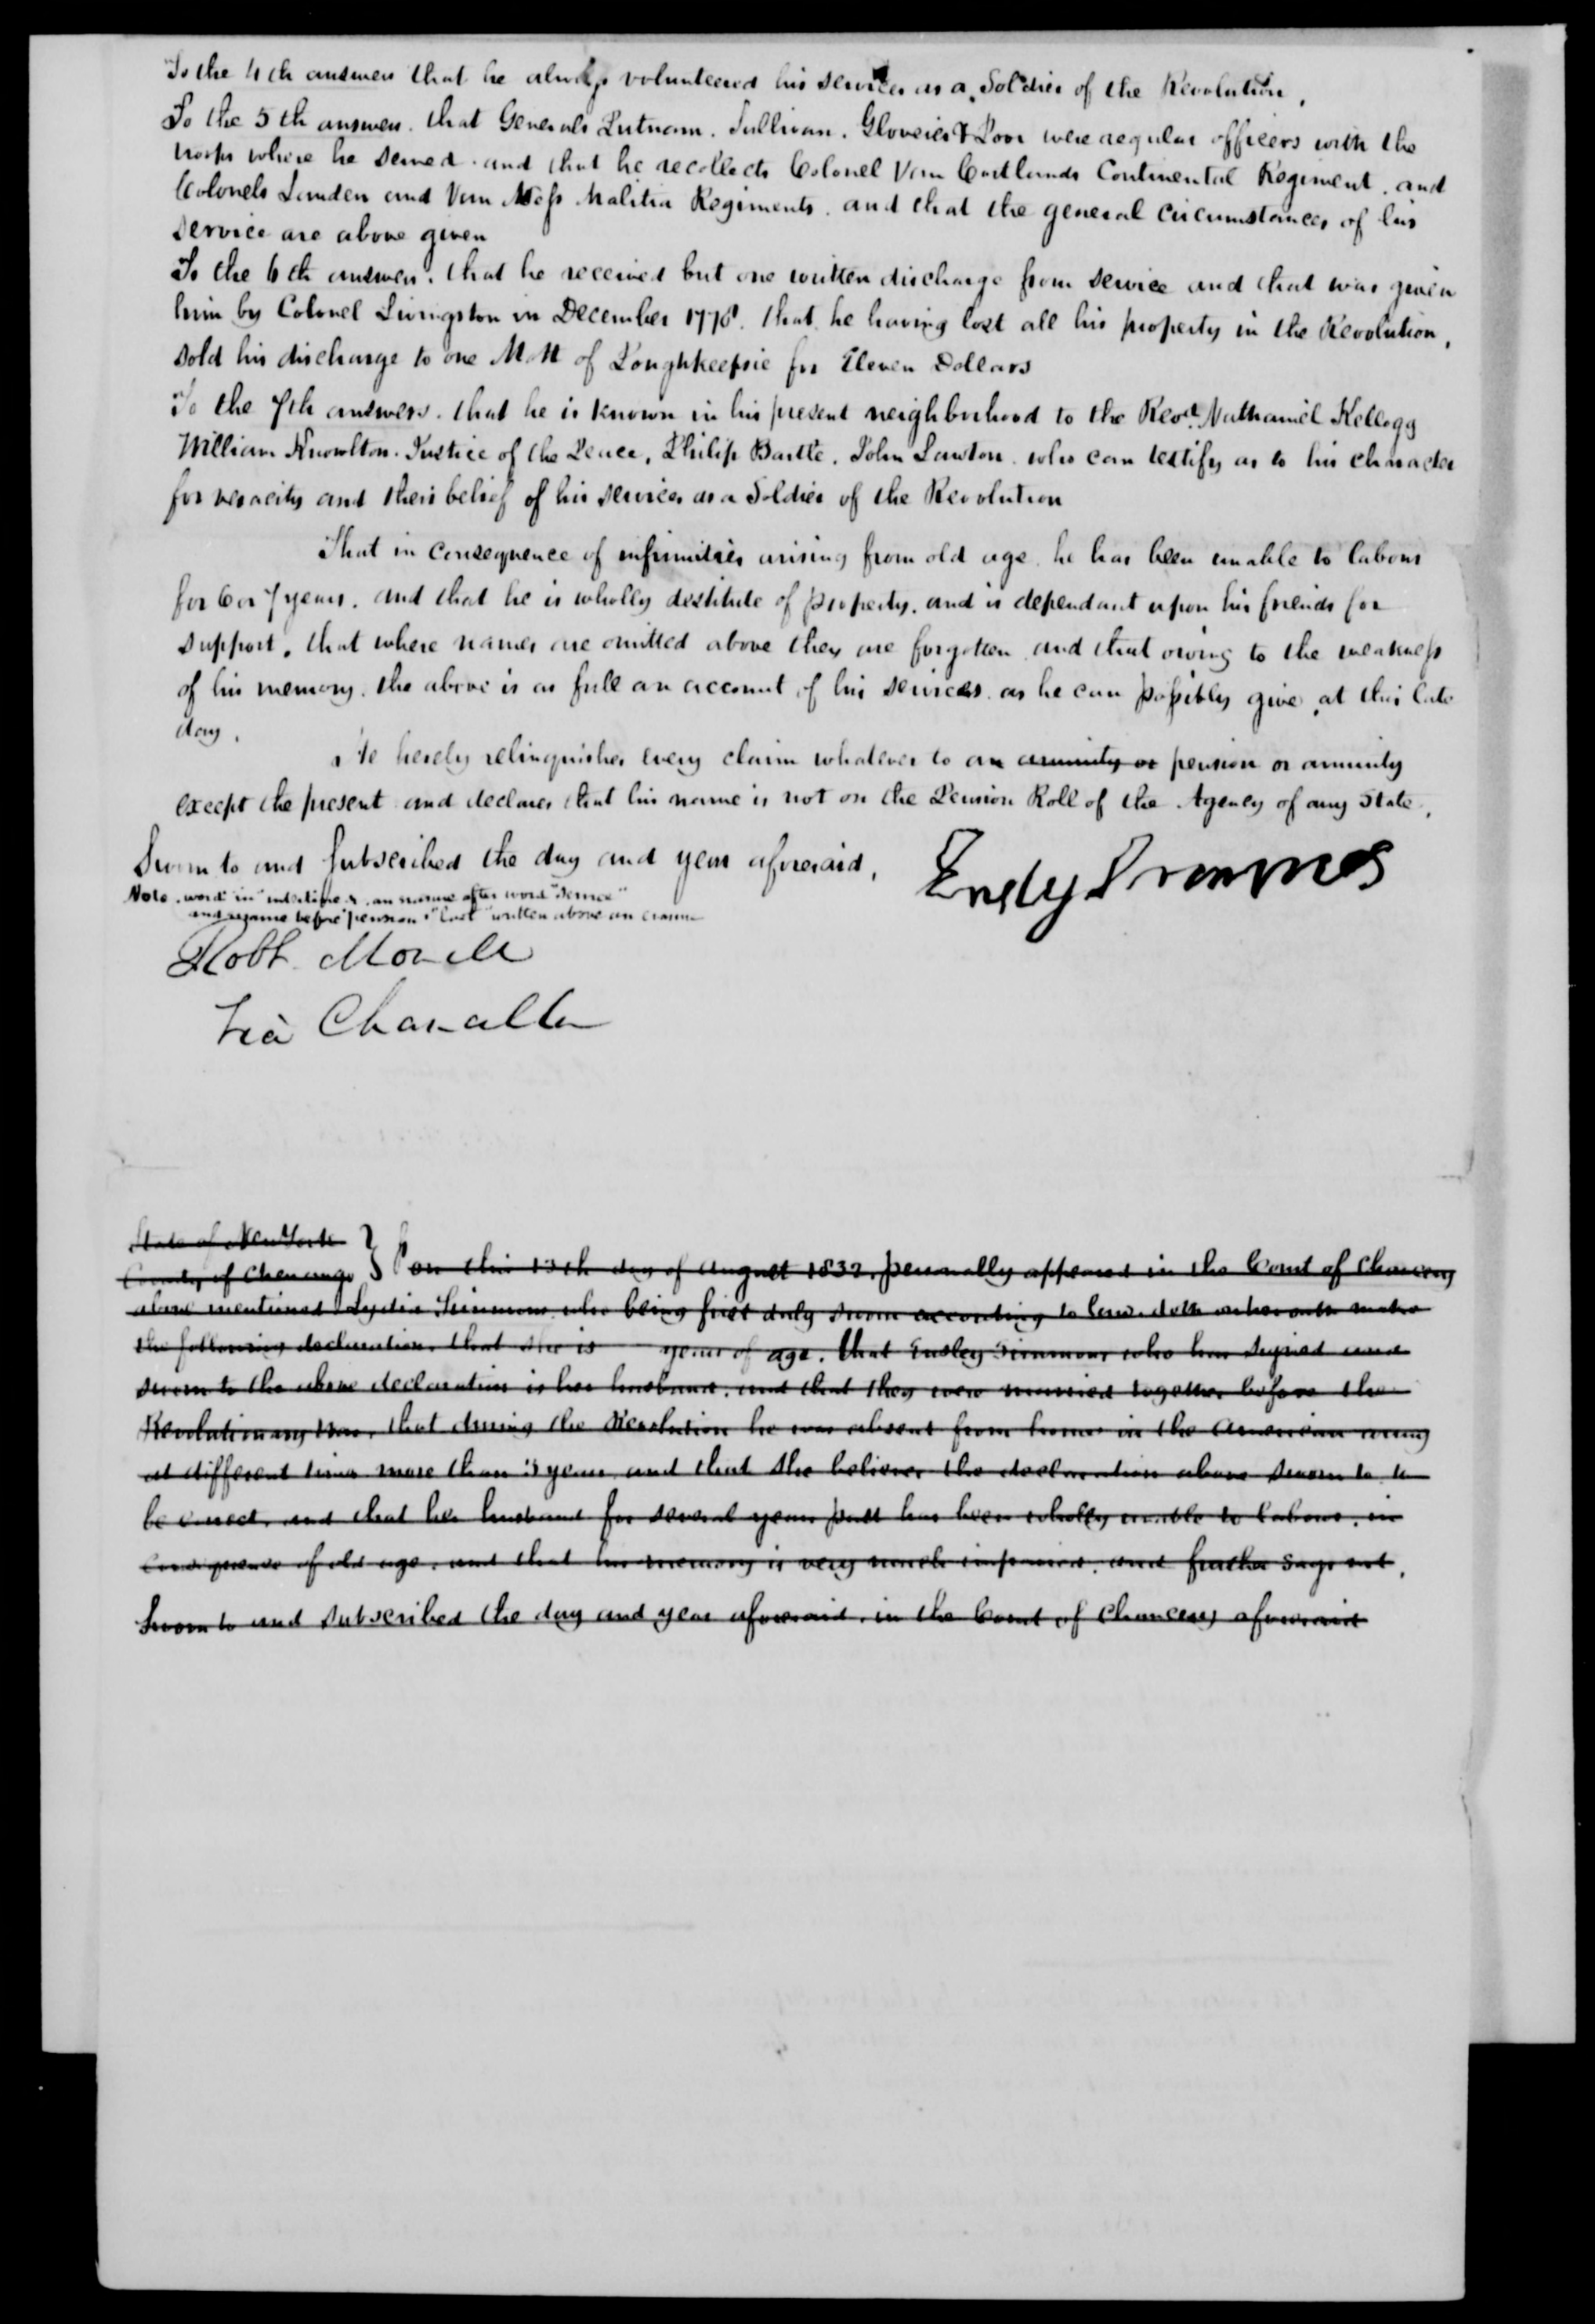to the 4th answers that he also volunteered his service as a Soldier of the Revolution
To the 5th answer, that Generals Putnam, Sullivan, [illigible] were regular officers with the  coprs where he served, and that he recollects Colonel Van Cortlands Continental Regiment, and Colonel Linden and Vern Mess Malitia Regiments, and that the general circumstances of his
service are above given
To the 6th answer, that he received but one written discharge from service and that was given him by Colonel Livingston in December 1778 that he having to his
having lost all his property in the Revolution,
sold his discharge to one Mott of Poughkeepsie for Eleven Dollars
To the 7th answers, that he is known in his present neighborhood to the Revd Nathaniel Kellogg William Knowlton, Justice of the Peace, Philip Bartle, John Lawton who can testify as to his character for veracity and their belief of his service as a Soldier of the Revolution
That in consequence of infirmities arising from old age he has been unable to labour
for 6 or 7 years, and that he is wholly destitute of property, and is dependent upon his friends for support, that where names are omitted above they are forgotten and that owing to the weakness of his memory, the above is as full and account of his services as he can possibly give at this late day .
He hereby relinquishes every claim whatever to an annuity { an annuity crossed out] or pension an annuity or pension or annuity 
except the present and declares that his name is not on the Pension Roll of the Agency of any State
Sworn to and subscribed the day and year aforesaid
[signed] Ensley Simmons
Note, word "in" [illegible] an [illegible] after word "service" and [illegible] before "[illegible] "Court" written above [illegible]

Robt Morrell
[illegible] Chancellor


[NEXT SECTION CROSSED OUT  APPEARS ALSO ON PAGE 10]
State of New York
County of [illigible]
On this 13th day of August 1832, personally appeared in the Court of Chancery above mentioned Lydia Simmons who being first duly sworn according to law does [illegible] the following declaration, that she is {blank] years of age, that Ensley Simmons who has signed and sword the above declaration is her husband, and that they were marriage together before the Revolutionary War, that during the Revolution he was absent from home in the American army at different times more than 3 years and that she believes the declaration above sworn to is [illegible] and that her husband for several years past has been wholly unable to labor in [illegible] of old age, and that his memory is very much infirmed, and further [illegible] 
Sworn to and subscribed the day and year aforesaid, in the Court of Chancery aforesaid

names: Ensly Simmons; John Lawton; [BLANK] Livingston; Philip Bartle; Robt Morrell; [BLANK] Sullivan; [BLANK] Gloveier; Lydia Simmons; Nathaniel Kellogg; Ensley Simmons; William Knowlton; [BLANK] Lomden; [BLANK] Putnam; [BLANK] Poor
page: 9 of 29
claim: widow's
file: W. 19,032, for Ensley Simmons, New York